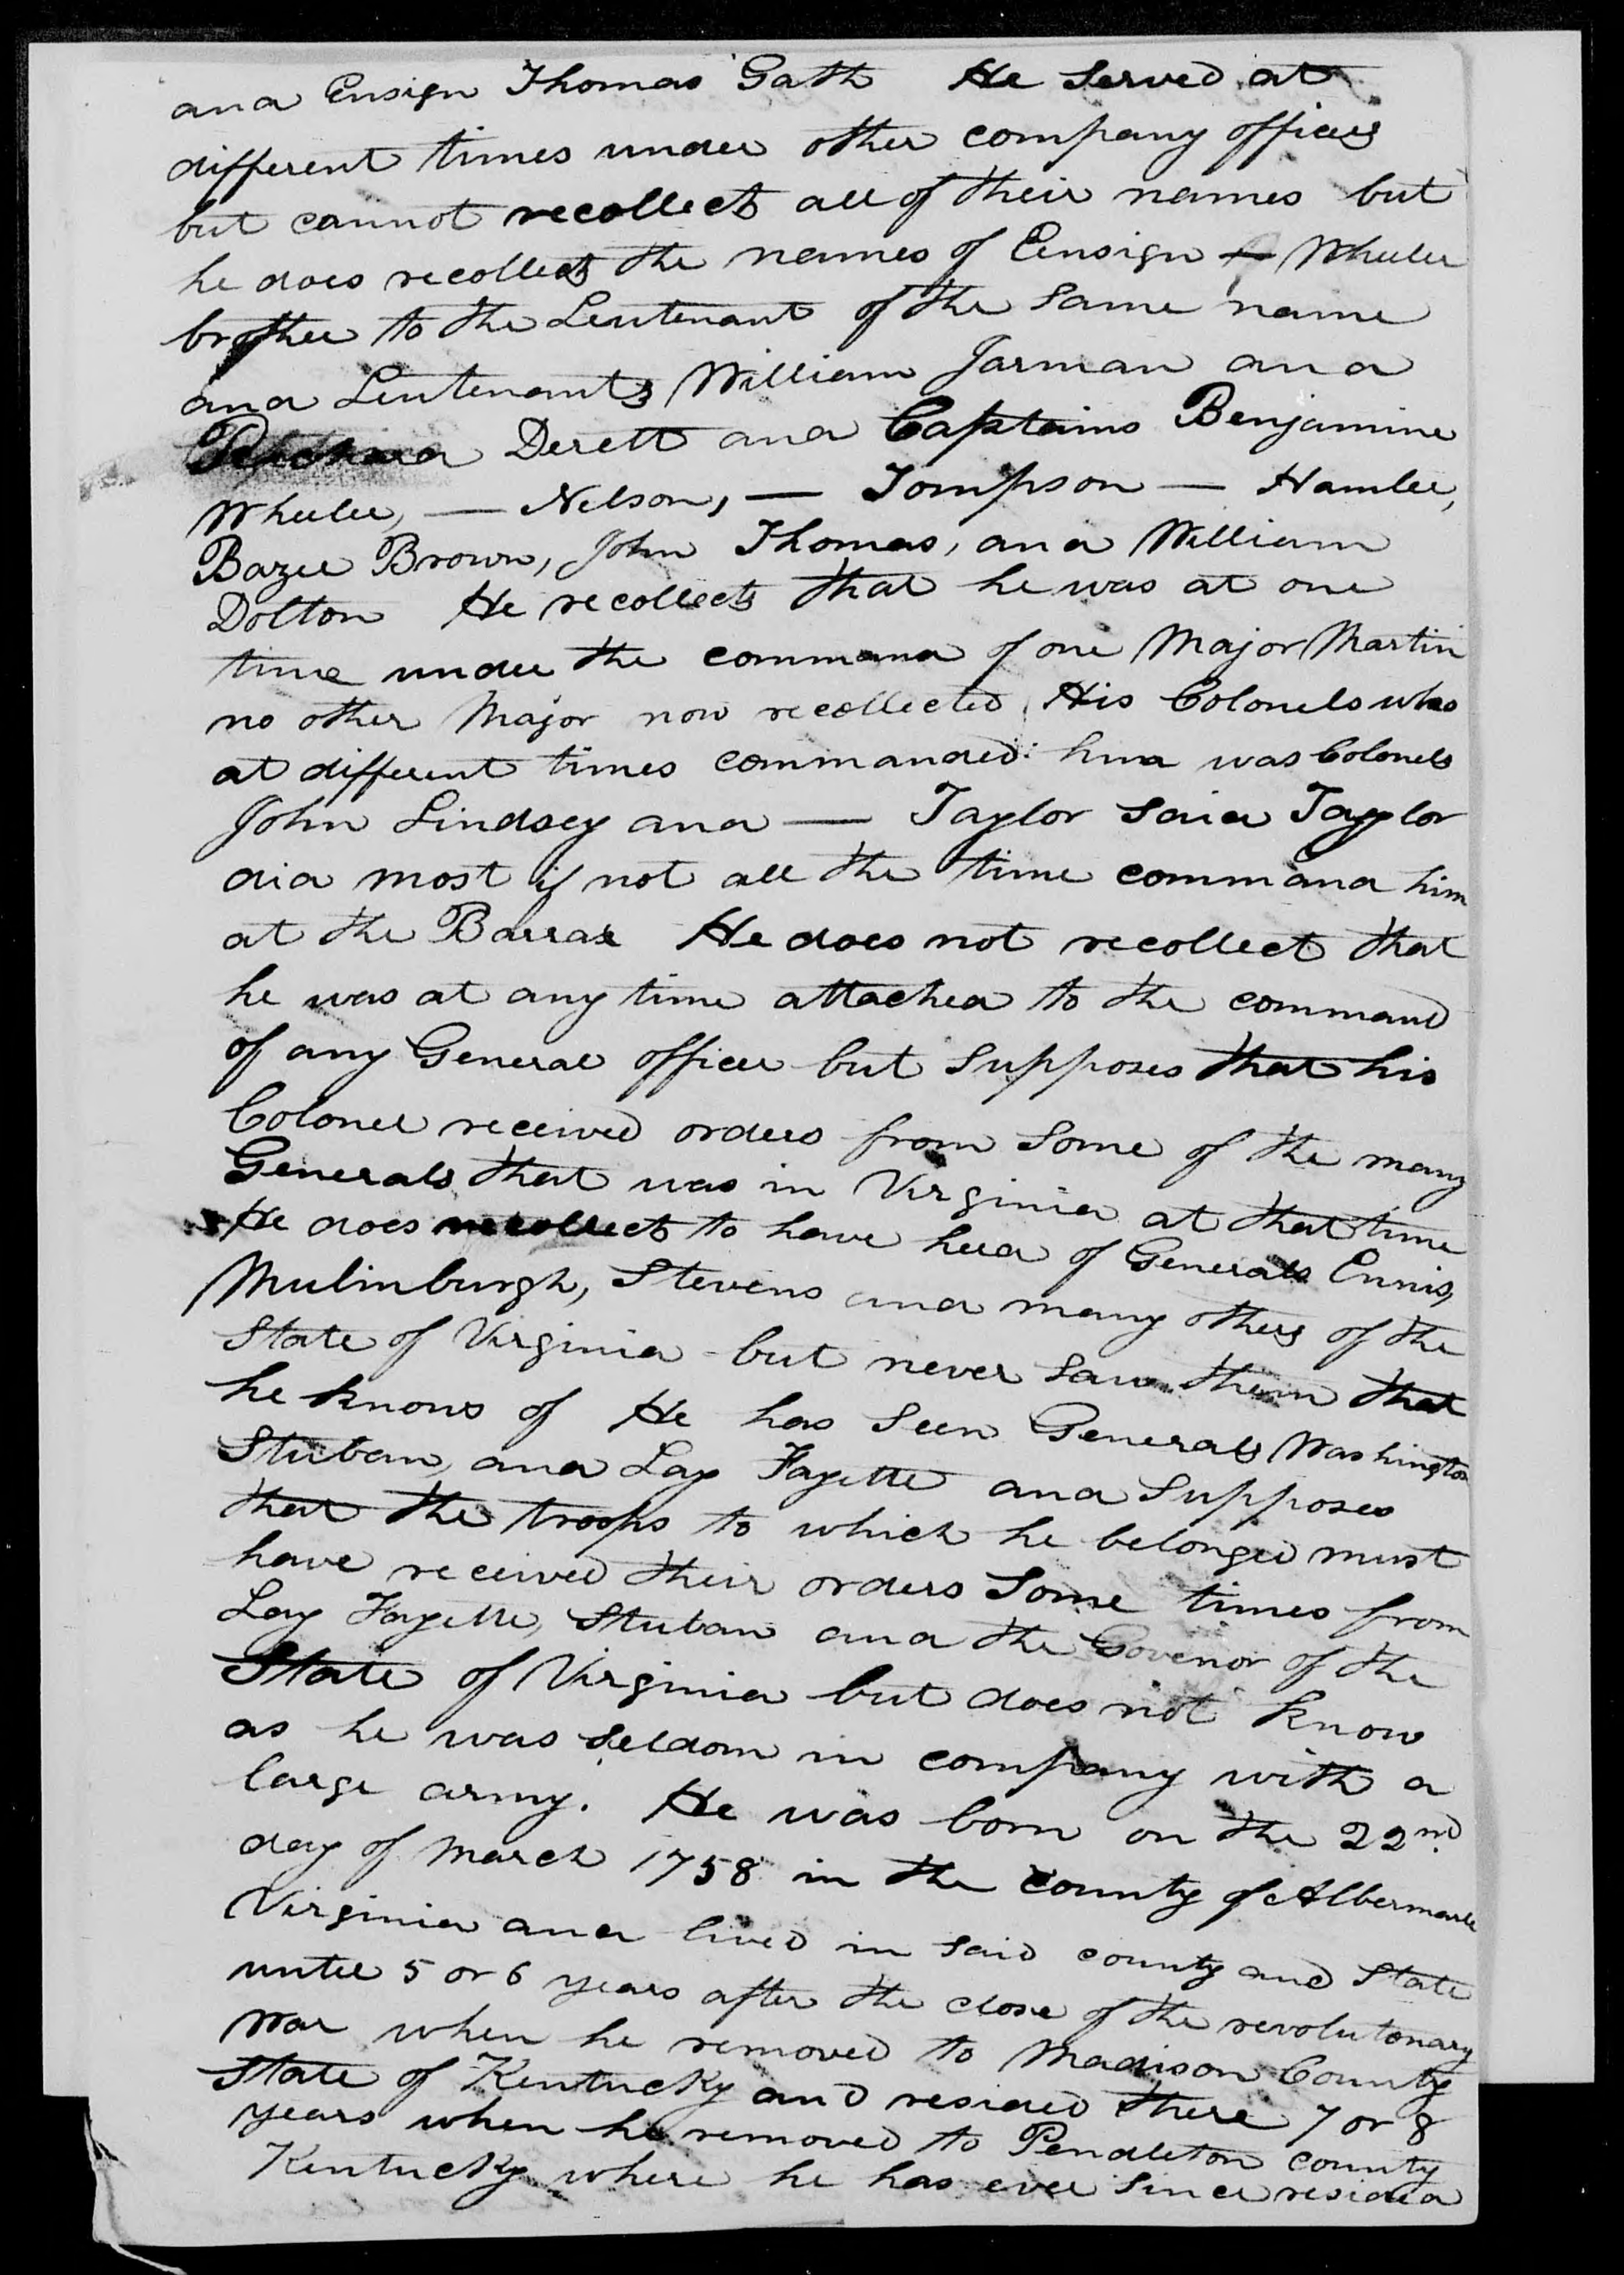and Ensign Thomas Gath He served at
different times under other company officers
but cannot recollect all of their names but
he does recollect the names of Ensign Wheeler
brother to the Leutenant of the same name
and Liutenant William Jarman and
[illegible]Derett and Captains Benjamin
Wheeler, Nelson, - Tompson - Hamler
Bazie Brown, John Thomas and William
Dolton He recollects that he was at one
time under the command of one Major Martin
no other major now recollected His Colonels who
at different times commanded him was Colonels
John Lindsey and Taylor said Taylor
did most if not all the time command him
at the Barras[barracks?] He does not recollect that
he was at any time attached to the command
of any General officer but supposes that his
Colonel received orders from some of the many
Generals that was in Virginia at that time
He does recollect to have herd of Generals Ennis, 
Mulinburgh, Stevens and many others of the
State of Virginia but never saw them that
he knows of He has Seen General Washington
Steuben, and LaFayette and Supposes
that the troops to which he belonged must ┃
have received their orders some times from
LaFayette Stuban and the Govenor of the
State of Virginia but does not know
as he was seldom in company with a
large army. He was born on the 22nd
day of March 1758 in the County of Albermarle
Virginia and lived in said County and State
until 5 or 6 years after the close of the revolutionary
war when he removed to Madison County
State of Kentucky and resided there for 7 or 8 
years when he removed to Pendleton County
Kentucky where he has ever since resided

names: [BLANK] Hamler; [BLANK] Washington; [BLANK] Taylor; [BLANK] Martin; Peter Derett; John Lindsey; [BLANK] Wheeler; [BLANK] Sterban; William Dolton; Lay Fayette; [BLANK] Nelson; [BLANK] Ennis; Bazel Brown; William Jarman; [BLANK] Tompson; Thomas Gath; John Thomas; [BLANK] Stevens; Benjamine Wheeler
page: 5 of 34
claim: survivor's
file: S. 30608, for Gabrel Mullins, Virginia